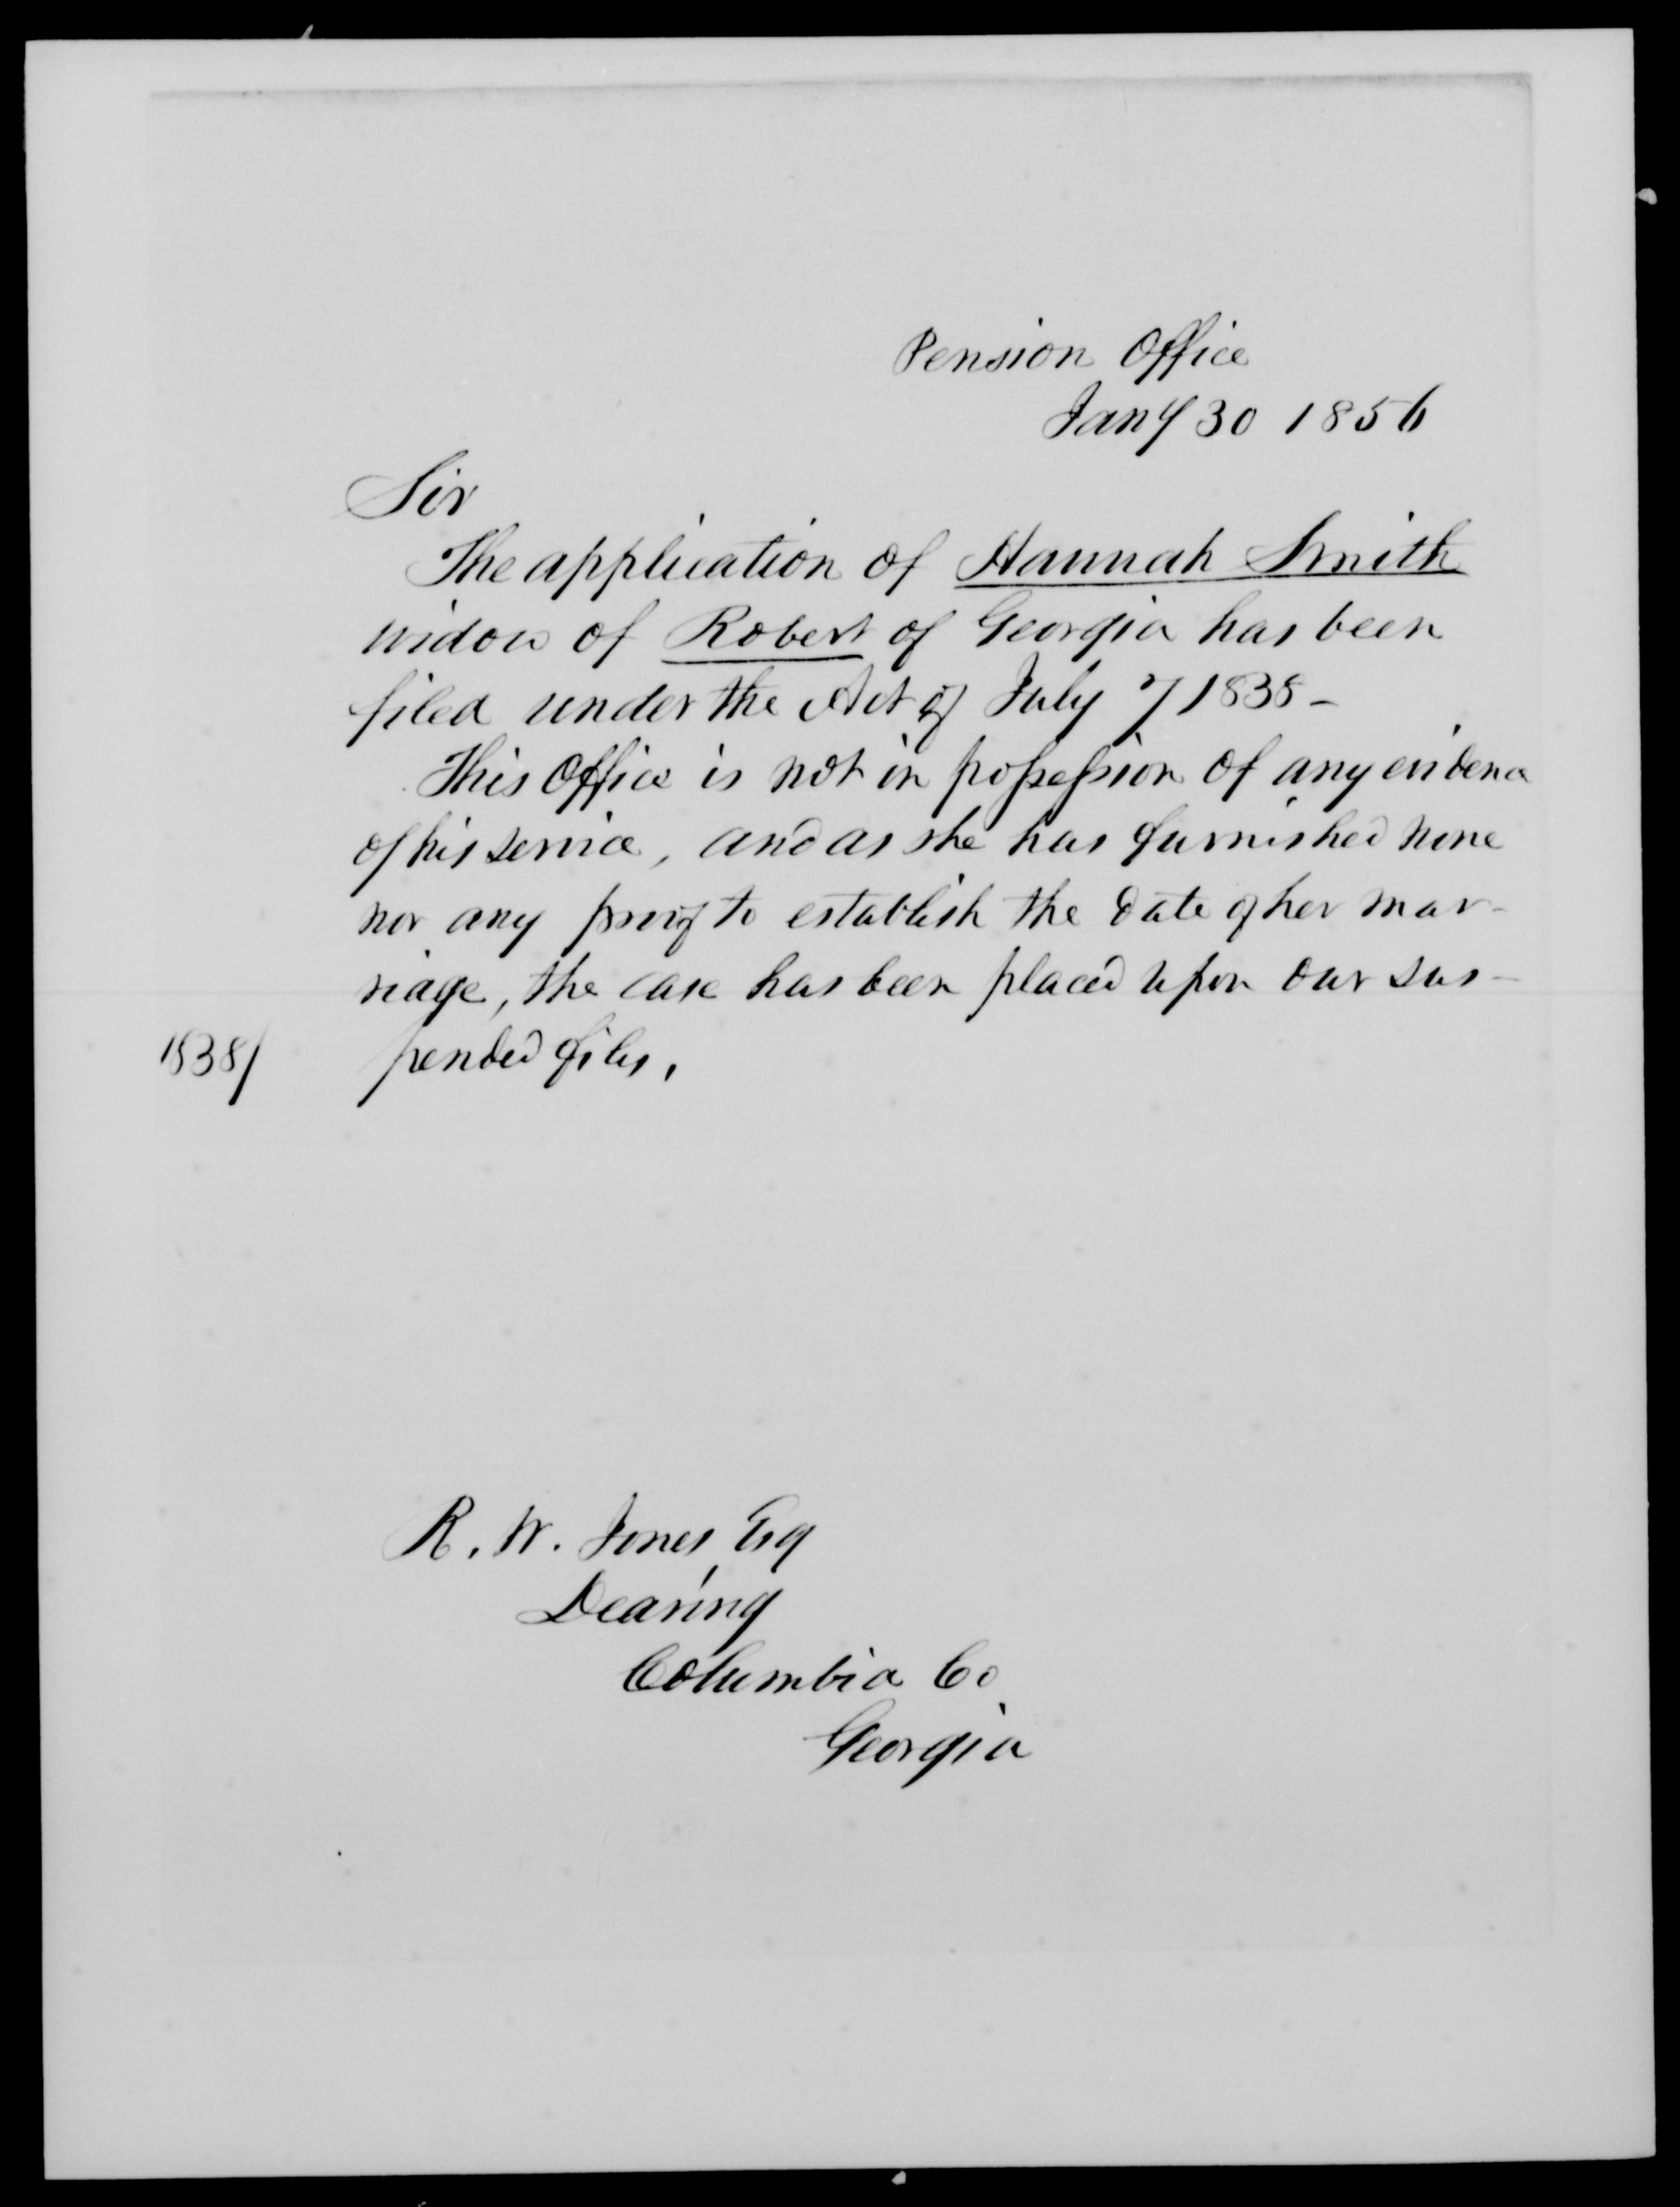Pension Office
Jany 30, 1856

Sir:

The application of Hannah Smith widow of Robert of Georgia has been filed under the Act of July 1838.

This office is not in possession of any evidence of his service, and as she has furnished none nor any proof to establish the date of her marriage, the case has been placed upon our suspended files.

R W Jones, Esq
Dearing
Columbia Co
Georgia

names: Hannah Smith; Robert Smith; R W Jones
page: 13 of 28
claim: rejected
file: R. 9744, for Robert Smith, South Carolina